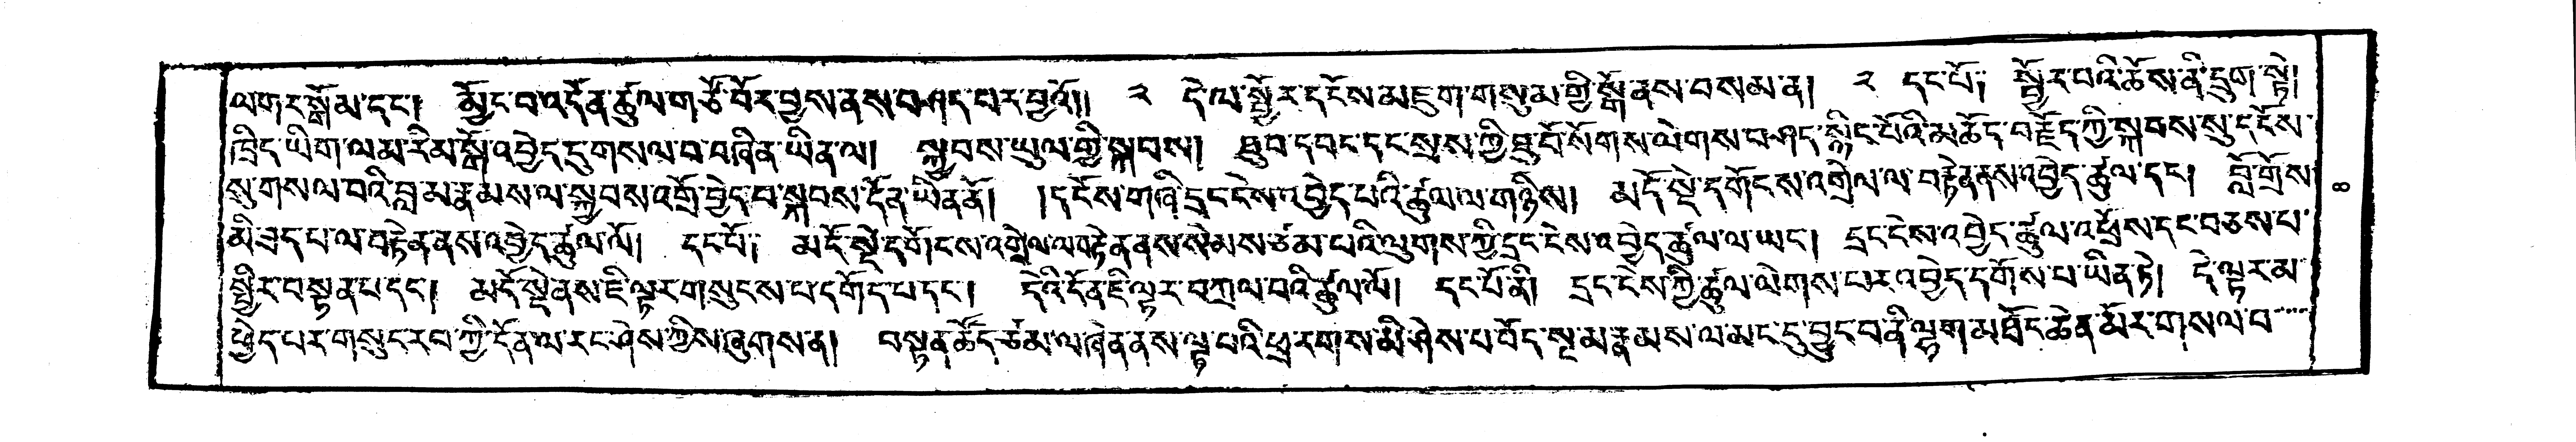ལ་གར་སྒོམ་དང་། མྱོང་བ་འདོན་ཚུལ་གཙོ་བོར་བྱས་ནས་བཤད་པར་བྱའོ། །༢་དེ་ལ་སྦྱོར་དངོས་མཇུག་གསུམ་གྱི་སྒོ་ནས་བསམ་ན། ༢་དང་པོ༑ སྦྱོར་བའི་ཆོས་ནི་དྲུག་སྟེ།
ཁྲིད་ཡིག་ལམ་རིམ་སྒོ་འབྱེད་དུ་གསལ་བ་བཞིན་ཡིན་ལ། སྐྱབས་ཡུལ་གྱི་སྐབས། ཐུབ་དབང་དང་སྲས་ཀྱི་ཐུ་བོ་སོགས་ལེགས་བཤད་སྙིང་པོའི་མཆོད་བརྗོད་ཀྱི་སྐབས་སུ་དངོས་
སུ་གསལ་བའི་བླ་མ་རྣམས་ལ་སྐྱབས་འགྲོ་བྱེད་པ་སྐབས་དོན་ཡིན་ནོ། །དངོས་གཞི་དྲང་ངེས་འབྱེད་པའི་ཚུལ་ལ་གཉིས། མདོ་སྡེ་དགོངས་འགྲེལ་ལ་བརྟེན་ནས་འབྱེད་ཚུལ་དང་། བློ་གྲོས་
མི་ཟད་པ་ལ་བརྟེན་ནས་འབྱེད་ཚུལ་ལོ། དང་པོ༑ མདོ་སྡེ་དགོངས་འགྲེལ་ལ་བརྟེན་ནས་སེམས་ཙམ་པའི་ལུགས་ཀྱི་དྲང་ངེས་འབྱེད་ཚུལ་ལ་ཡང་། དྲང་ངེས་འབྱེད་ཚུལ་འཕྲོས་དང་བཅས་པ་
སྤྱིར་བསྟན་པ་དང་། མདོ་སྡེ་ནས་ཇི་ལྟར་གསུངས་པ་དགོད་པ་དང་། དེའི་དོན་ཇི་ལྟར་བཀྲལ་བའི་ཚུལ་ལོ། དང་པོ་ནི། དྲང་ངེས་ཀྱི་ཚུལ་ལེགས་པར་འབྱེད་དགོས་པ་ཡིན་ཏེ། དེ་ལྟར་མ་
ཕྱེད་པར་གསུང་རབ་ཀྱི་དོན་ལ་རང་ཤེས་ཀྱིས་ཞུགས་ན། བསྟན་ཚོད་ཙམ་ལ་ཞེན་ནས་ལྟ་བའི་ཕྲ་རགས་མི་ཤེས་པ་བོད་སྔ་མ་རྣམས་ལ་མང་དུ་བྱུང་བ་ནི་ལྷག་མཐོང་ཆེན་མོར་གསལ་བ་